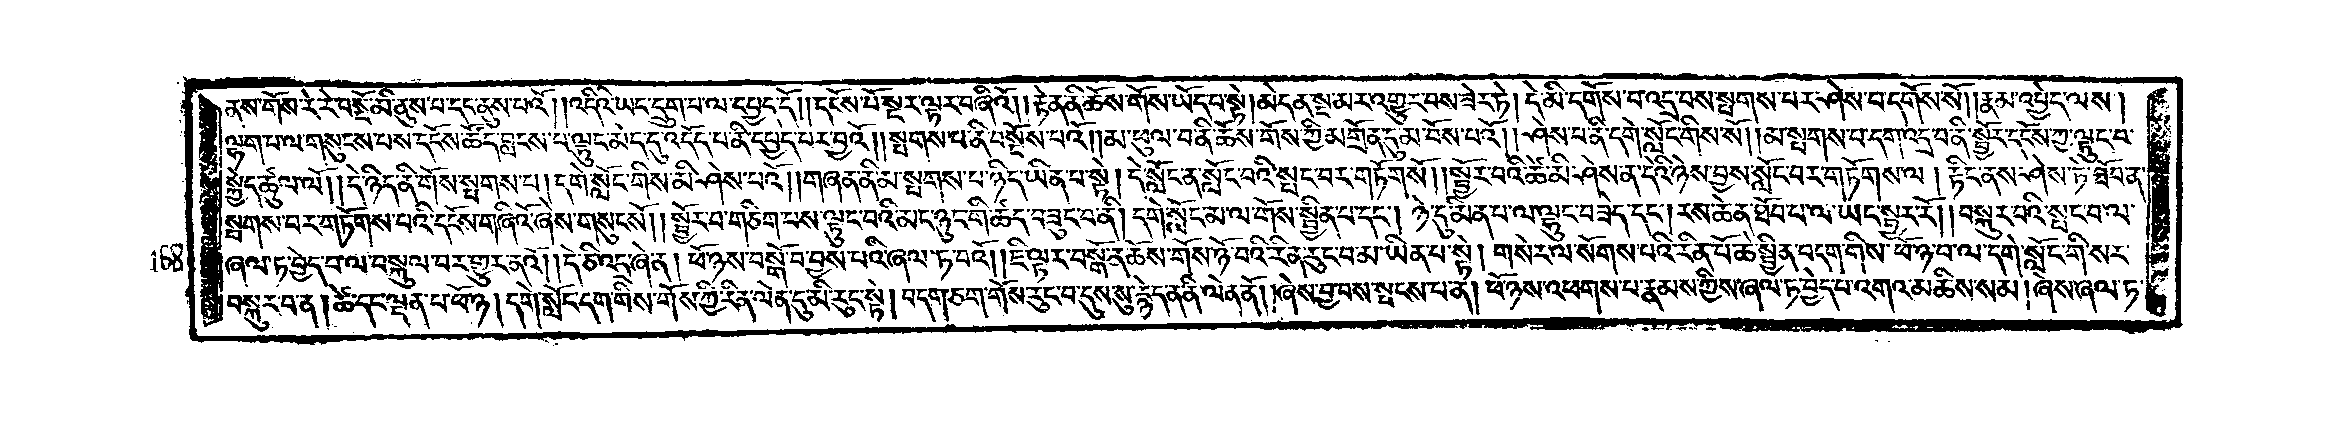ནས་གོས་རེ་རེ་བསྔོ་མི་ནུས་པ་དང་ནུས་པའོ། །འདིའི་ཡང་དྲུག་པ་ལ་དཔྱད་དོ། །དངོས་པོ་སྔར་ལྟར་བཞིའོ། །རྟེན་ནི་ཆོས་གོས་ཡོད་པ་སྟེ། མེད་ན་སྔ་མར་འགྱུར་བས་ཟེར་ཏེ། དེ་མི་དགོས་པ་འདྲ་བས་སྤགས་པར་ཤེས་པ་དགོས་སོ། །རྣམ་འབྱེད་ལས།
ལྷག་པ་ལ་གསུངས་པས་དངོས་ཚོད་བླངས་པ་ལྟུང་མེད་དུ་འདོད་པ་ནི་དཔྱད་པར་བྱའོ། །སྤགས་པ་ནི་བསྔོས་པའོ། །མ་ཕུལ་བ་ནི་ཆོས་གོས་ཀྱི་མགྲོན་དུ་མ་བོས་པའོ། །ཤེས་པ་ནི་དགེ་སློང་གིས་སོ། །མ་སྤགས་པ་དག་འདྲ་བ་ནི་སྦྱོར་དངོས་ཀྱི་ལྟུང་བ་
སྐྱེད་ཚུལ་ལོ། །དེ་ཉིད་ནི་གོས་སྤགས་པ། དགེ་སློང་གིས་མི་ཤེས་པའོ། །གཞན་ནི་མ་སྤགས་པ་ཉིད་ཡིན་པ་སྟེ། དེ་སློང་ན་སློང་བའི་སྤང་བར་གཏོགས་སོ། །སྦྱོར་བའི་ཚེ་མི་ཤེས་ན་དེའི་ཉེས་བྱས་སློང་བར་གཏོགས་ལ། རྟིང་ནས་ཤེས་ཏེ་ཐོབ་ན་
སྦགས་པར་གཏེགས་པའི་དངོས་གཞིའོ་ཞེས་གསུངས་སོ། །སྦྱོར་བ་གཅིག་པས་ལྟུང་བའི་མང་ཉུང་གི་ཚད་བཟུང་བ་ནི། དགེ་སློང་མ་ལ་གོས་སྦྱིན་པ་དང་། ཉེ་དུ་མིན་པ་ལ་ལྷུང་བཟེད་དང་། རས་ཆེན་ཐོབ་པ་ལ་ཡང་སྦྱར་རོ། །བསྐུར་བའི་སྤང་བ་ལ་
ཞལ་ཏ་བྱེད་པ་ལ་བསྐུལ་བར་གྱུར་ནའོ། །དེ་ཅི་འདྲ་ཞེ་ན། ཕོ་ཉས་བསྒོ་བ་བྱས་པའི་ཞལ་ཏ་བའོ། །ཇི་ལྟར་བསྒོ་ན་ཆོས་གོས་ཉོ་བའི་རིན་རུང་བ་མ་ཡིན་པ་སྟེ། གསེར་ལ་སོགས་པའི་རིན་པོ་ཆེ་སྦྱིན་བདག་གིས་ཕོ་ཉ་བ་ལ་དགེ་སློང་གི་སར་
བསྐུར་བ་ན། ཚེ་དང་ལྡན་པ་ཕོ་ཉ། དགེ་སློང་དག་གིས་གོས་ཀྱི་རིན་ལེན་དུ་མི་རུང་སྟེ། བདག་ཅག་གོས་རུང་བ་དུས་སུ་རྙེད་ན་ནི་ལེན་ནོ། །ཞེས་བྱ་བས་སྤངས་པ་ན། ཕོ་ཉས་འཕགས་པ་རྣམས་ཀྱིས་ཞལ་ཏ་བྱེད་པ་འགའ་མཆིས་སམ། ཞེས་ཞལ་ཏ་